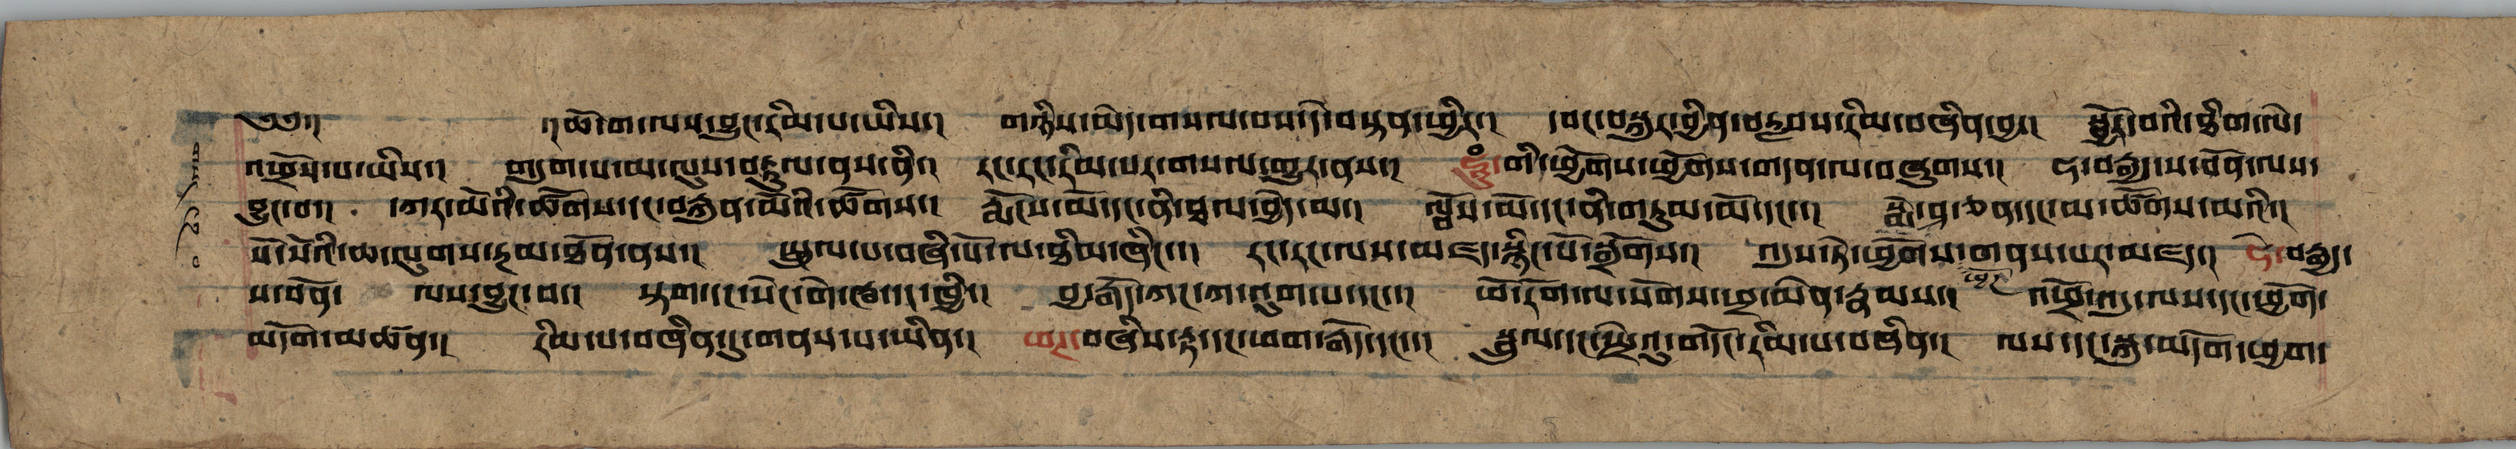༄༅་། ་།ཆོ་ག་ལས་བྱུང་རིམ་པ་ཡིས་། གཉིས་མེ་གསལ་བས་དེ་བསྟན་ཕྱིར་། དབང་བསྐུར་བྱིན་བརླབས་རིམ་བཞིན་བྱ་། སྦྱོར་བའི་ཐིག་ལེ་
འཕྲོས་པ་ཡིས་། གདུག་པ་མ་ལུས་བརྟུལ་ནས་ནི་། རང་རང་རིམ་པར་གསལ་གྱུར་ནས་། ཧཱུཾ་གི་ཕྱོགས་ཕྱོགས་གདན་ལ་བཞུགས་། ཧ་བརྒྱད་ས་བོན་ལས་
བྱུང་བ་། དཀར་མོའི་ཚོགས་དང་བརྐུན་མོའི་ཚོགས་། རྨོངས་མོ་དང་ནི་ཐལ་བྱེད་མ་། ལྦོས་མོ་དང་ནི་གཏུམ་མོ་དང་་། སྨེ་ཤ་ཅན་དང་མ་ཚོགས་མའི་།
སོ་སོའི་ཆ་ལུགས་རྔམ་ཐོན་ནས་། སྤྲུལ་པ་བཞི་པོ་ལ་ཐིམ་ཞིང་་། རང་རང་ལས་མཛད་སྙིང་པོ་སྒྲོགས་། འདུས་ཏེ་ཕྱོགས་གནས་པར་མཛད་། ཧེ་བརྒྱད་
ས་བོན་ ལས་བྱུང་བ་། སྟག་དང་སེང་གེ་ཝ་དང་ཁྱི་། བྱ་རྒོད་ཀང་ཀ་འུག་པ་དང་་། ཕོ་རོག་ལ་སོགས་ཕྲ་མེན་རྣམས་། འཕྲོ་འདུ་ལས་དང་ཕྱོག་
མདོག་མཚན་། རིམ་པ་བཞིན་དུ་གནས་པ་ཡིན་། ཕཊ་བཞིས་རྟ་དང་ཕག་རྒོད་དང་་། སྦྲུལ་དང་སྤྲེའུ་གདོང་རིམ་པ་བཞིན་། ལས་དང་སྐུ་མདོག་ཕྱག་